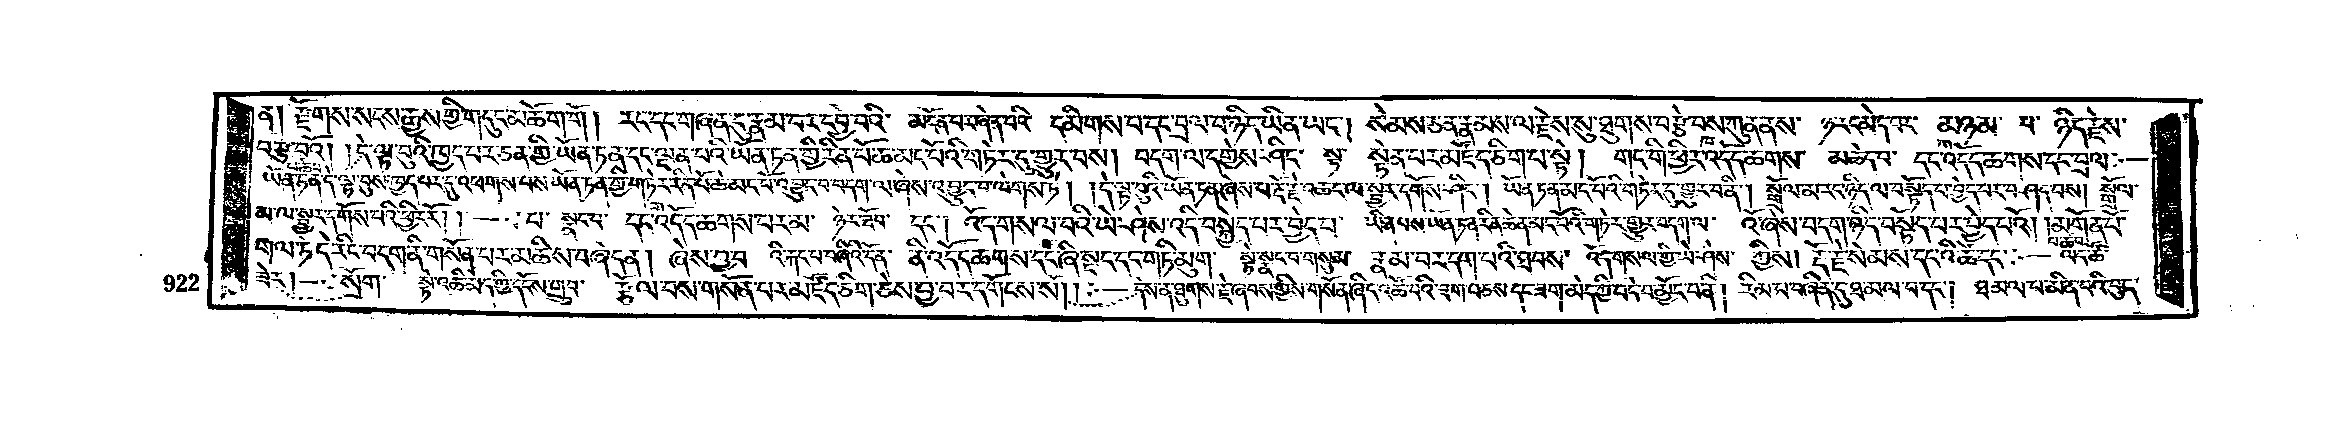ན། རྫོགས་སངས་རྒྱས་ཀྱི་གདུང་མཆོག་གོ ། རང་དང་གཞན་དུ་རྣམ་པར་དབྱེ་བའི་མངོན་པར་ཞེན་པའི་དམིགས་པ་དང་བྲལ་བ་ཉིད་ཡིན་ཡང་། སེམས་ཅན་རྣམས་ལ་རྗེས་སུ་ཐུགས་བརྩེ་བས་ཀུན་ནས་ཉེ་རིང་མེད་པར་མཉམ་པ་ཉིད་རྗེས་
བརྩ་བའོ། །དེ་ལྟ་བུའི་ཁྱད་པར་ཅན་གྱི་ཡོན་ཏན་དང་ལྡན་པའི་ཡོན་ཏན་གྱི་རིན་པོ་ཆེ་མང་པོའི་གཏེར་དུ་གྱུར་བས། བདག་ལ་དགྱེས་ཤིང་སྟེ་སྟེན་པར་མཛོད་ཅིག་པ་སྟེ། གང་གི་ཕྱིར་ཁ྄་འདོད་ཆགས་མཆེད་པ་དང་ཀ་འདོད་ཆགས་དང་བྲལ་
པ་ཚབ་ཡོན་ཏན་དེ་ལྟ་བུས་ཁྱད་པར་དུ་འཕགས་པས་ཡོན་ཏན་གྱི་གཏེར་རིན་པོ་ཆེ་མང་པོ་འབྱུང་བ་བདག་ལ་ཞེས་འབྱུང་བ་ལེགས་ཏེ། །དེ་ལྟ་བུའི་ཡོན་ཏན་ཞེས་པ་རྡོ་རྗེ་འཆང་ལ་སྦྱར་དགོས་ཤིང་། ཡོན་ཏན་མང་པོའི་གཏེར་དུ་གྱུར་བ་ནི། སྒྲོལ་མ་རང་ཉིད་ལ་བསྟོད་པ་བྱེད་པར་བཤད་པས། སྒྲོལ་
མ་ལ་སྦྱར་དགོས་པའི་ཕྱིར་རོ། །པ་སྣང་བ་དང་ག་འདོད་ཆགས་པར་མ་ཉེར་ཐོབ་དང་། འོད་གསལ་བའི་ཡེ་ཤེས་འདི་བསྐྱེད་པར་བྱེད་པ་ཡིན་པས་ཡོན་ཏན་རིན་ཆེན་མང་པོའི་གཏེར་གྱུར་བདག་ལ་འོ་ཞེས་བདག་ཉིད་བསྟོད་པར་བྱེད་པའོ། །མགོན་པོ་
གལ་ཏེ་དེ་རིང་བདག་ནི་གསོན་པར་མཆིས་བཞེད་ན། ཞེས་བྱ་བ་འི་རྐང་པ་བཞིའི་དོན་ནི་འདོད་ཆགས་དང་ཞེ་སྡང་དང་གཏི་མུག་སྟེ་སྣང་བ་གསུམ་རྣམ་པར་དག་པའི་ཐབས་འོད་གསལ་གྱི་ཡེ་ཤེས་ཀྱིས། རྡོ་རྗེ་སེམས་དཔའི་ཚེ་དང་པ་ཚབ་ལང་ཚོ
ཟེར། སྲོག་སྟེ་འཆི་མེད་ཀྱི་དངོས་གྲུབ་རྩོལ་བས་གསོན་པར་མཛོད་ཅིག་ཅེས་བྱ་བར་དགོངས་སོ། ། དེས་ན་ཐུགས་རྗེ་ཞབས་གྱིས་གསོན་ཞིང་འཚོ་བའི་ཟག་བཅས་དང་ཟག་མེད་ཀྱི་བདེ་བ་མྱོང་བ་ནི། རིམ་པ་བཞིན་དུ་ཐ་མལ་པ་དང་། ཐ་མལ་པ་མིན་པའི་བུད